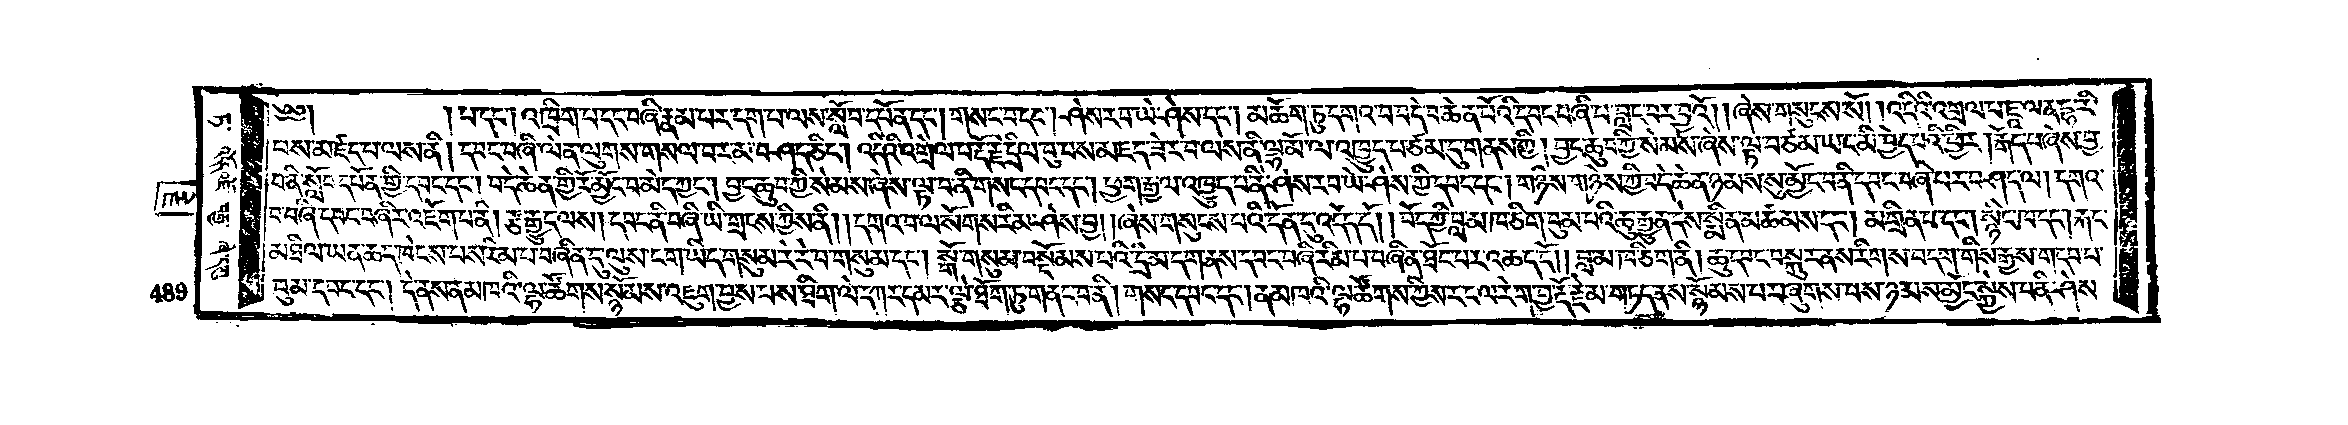༄༅། །པ་དང་། འཁྲིག་པ་དང་བཞི་རྣམ་པར་དག་པ་ལས་སློབ་དཔོན་དང་། གསང་བ་དང་། ཤེས་རབ་ཡེ་ཤེས་དང་། མཆོག་ཏུ་དགའ་བ་བདེ་བ་ཆེན་པོའི་དབང་བཞི་པ་བླང་བར་བྱའོ། །ཞེས་གསུངས་སོ། །འདིའི་འགྲེལ་པ་ཇཱ་ལན་དྷ་རི་
པས་མཛད་པ་ལས་ནི། དབང་བཞི་ལེན་ལུགས་གསལ་བར་མ་བཤད་ཅིང་། འདིའི་འགྲེལ་པ་རྡོ་རྗེ་དྲིལ་བུ་པས་མཛད་ཟེར་བ་ལས་ནི་ལྷ་མོ་ལ་འཁྱུད་པ་ཅམ་དུ་གནས་ཀྱི། བྱང་ཆུབ་ཀྱི་སེམས་ཞེས་ལྟ་བ་ཙམ་ཡང་མི་བྱེད་པའི་ཕྱིར། རྒོད་པ་ཞེས་བྱ་
བ་ནི་སློབ་དཔོན་གྱི་དབང་དང་། བདེ་ཆེན་གྱི་རོ་མྱོང་བ་མེད་ཀྱང་། བྱང་ཆུབ་ཀྱི་སེམས་ཞེས་ལྟ་བ་ནི་གསང་དབང་དང་། ཕྱག་རྒྱ་ལ་འཁྱུད་པ་ནི་ཤེས་རབ་ཡེ་ཤེས་ཀྱི་དབང་དང་། གཉིས་གཉིས་ཀྱི་བདེ་ཆེན་ཉམས་སུ་མྱོང་བ་ནི་དབང་བཞི་པར་བཤད་ལ། དགའ་
བ་བཞི་དབང་བཞིར་འཇོག་པ་ནི། རྩ་རྒྱུད་ལས། དབང་ནི་བཞི་ཡི་གྲངས་ཀྱིས་ནི། །དགའ་བ་ལ་སོགས་རིམ་ཤེས་བྱ། །ཞེས་གསུངས་པའི་དོན་དུ་འདོད་དོ། །བོད་ཀྱི་བླ་མ་ཁ་ཅིག་བུམ་པའི་ཆུ་རྒྱུན་དེས་སྨིན་མཚམས་དང་། མགྲིན་པ་དང་། སྙིང་ཁ་དང་། རྐང་
མཐིལ་ཡན་ཆད་ཁེངས་པས་རིམ་པ་བཞིན་དུ་ལུས་ངག་ཡིད་གསུམ་རེ་རེ་བ་གསུམ་དང་། སྒོ་གསུམ་བསྡོམས་པའི་དྲི་མ་དག་ནས་དབང་བཞི་རིམ་པ་བཞིན་ཐོང་པར་འཆད་དོ། །བླ་མ་ཁ་ཅིག་ནི། ཆུ་དབང་བསྐུར་ནས་རིགས་བདག་གིས་རྒྱས་གདབ་པ་
བུམ་དབང་དང་། དེ་ནས་ནམ་མཁའི་ལྷ་ཚོགས་སྙོམས་འཇུག་བྱས་པས་ཐིག་ལེ་དཀར་དམར་ལྕེ་ཐོག་ཏུ་གནང་བ་ནི། གསང་དབང་དང་། ནམ་མཁའི་ལྷ་ཚོགས་ཀྱིས་རང་ལ་རེག་བྱ་རྡོ་རྗེ་མ་གཏད་ནས་སྙོམས་པར་ཞུགས་པས་ཉམས་མྱོང་སྐྱེས་པ་ནི་ཤེས་